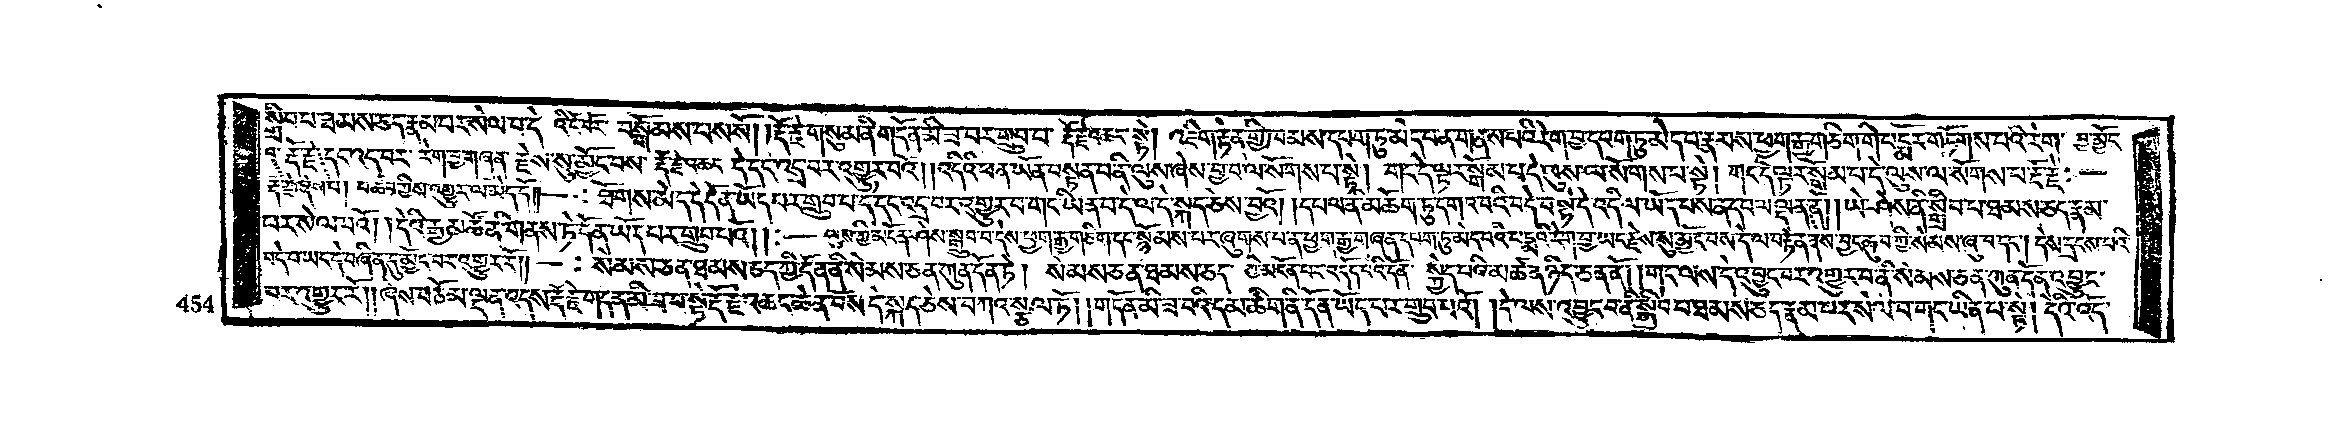སྒྲིབ་པ་ཐམས་ཅད་རྣམ་པར་སེལ་བ་དེའི་ངོ་བོར་བསྒོམས་པས་སོ། །རྡོ་རྗེ་གསུམ་ནི་གདོན་མི་ཟ་བར་གྲུབ་པ་རྡོ་རྗེ་འཆང་སྟེ། འཇིག་རྟེན་གྱི་ཁམས་དཔག་ཏུ་མེད་པ་ན་གནས་པའི་རེག་བྱ་དཔག་ཏུ་མེད་པ་རྣམས་ཕྱག་རྒྱ་གཅིག་གི་པདམོར་གཏོགས་པའི་རེག་བྱ་མྱོང་
བ་རྡོ་རྗེ་དང་འདྲ་བར་རེག་བྱ་གཞན་རྗེས་སུ་མྱོང་བས་རྡོ་རྗེ་འཆང་དེ་དང་འདྲ་བར་འགྱུར་བའོ། །འདིའི་ཕན་ཡོན་བསྟན་པ་ནི་ལུས་ཞེས་བྱ་བ་ལ་སོགས་པ་སྟེ། གང་དེ་ལྟར་སྒོམ་པ་དེ་ལུས་ལ་སོགས་པ་སྟེ། གང་དེ་ལྟར་སྒོམ་པ་དེ་ལུས་ལ་སོགས་པ་རྡོ་རྗེཿ
རྡོ་རྗེ་ཞེས་པ། པ་ཚབ་ཀྱིས་འགྱུར་ལ་མེད་དོ།།.H ཐོགས་མེད་དེ་དོན་ཡོད་པར་གྲུབ་པ་དེ་དང་འདྲ་བར་འགྱུར་བ་གང་ཡིན་པ་དེ་ལ་དེ་སྐད་ཅེས་བྱའོ། །དཔལ་ནི་མཆོག་ཏུ་དགའ་བའི་བདེ་བ་སྟེ་དེ་འདི་ལ་ཡོད་པས་ན་དཔལ་ལྡན་ནོ། །ཡེ་ཤེས་ནི་སྒྲིབ་པ་ཐམས་ཅད་རྣམ་
པར་སེལ་བའོ། །དེའི་རྒྱ་མཚོ་ནི་གནས་ཏེ་དོན་ཡོད་པར་གྲུབ་པའོ།།H.་ལུས་ཀྱི་མངོན་ཤེས་སྒྲུབ་པ་དེས་ཕྱག་རྒྱ་གཅིག་དང་སྙོམས་པར་ཞུགས་པ་ན་ཕྱག་རྒྱ་གཞན་དཔག་ཏུ་མེད་པའི་པདམའི་རེག་བྱ་ཡང་རྗེས་སུ་མྱོང་བས་དེ་ལ་བརྟེན་ནས་བྱང་ཆུབ་ཀྱི་སེམས་ཞུ་བ་དང་། དེས་དྲངས་པའི་
བདེ་བ་ཡང་དེ་བཞིན་དུ་མྱོང་བར་འགྱུར་རོ།།.H སེམས་ཅན་ཐམས་ཅད་ཀྱི་དོན་ནི་སེམས་ཅན་ཀུན་དོན་ཏེ། སེམས་ཅན་ཐམས་ཅད་ཀྱི་མངོན་པར་འདོད་པའི་དོན་སྐྱེད་པའི་མཚན་ཉིད་ཅན་ནོ། །གང་ལས་དེ་འབྱུང་བར་འགྱུར་བ་ནི་སེམས་ཅན་ཀུན་དོན་འབྱུང་
བར་འགྱུར་རོ། །ཞེས་བཅོམ་ལྡན་འདས་རྡོ་རྗེ་གདན་མིང་བ་སྟེ་རྡོ་རྗེ་འཆང་ཆེན་པོས་དེ་སྐད་ཅེས་བཀའ་སྩལ་ཏོ། །གདོན་མི་ཟ་བའི་དམ་ཚིག་ནི་དོན་ཡོད་པར་གྲུབ་པའོ། །དེ་ལས་འབྱུང་བ་ནི་སྒྲིབ་པ་ཐམས་ཅད་རྣམ་པར་སེལ་བ་གང་ཡིན་པ་སྟེ། དེའི་འོད་